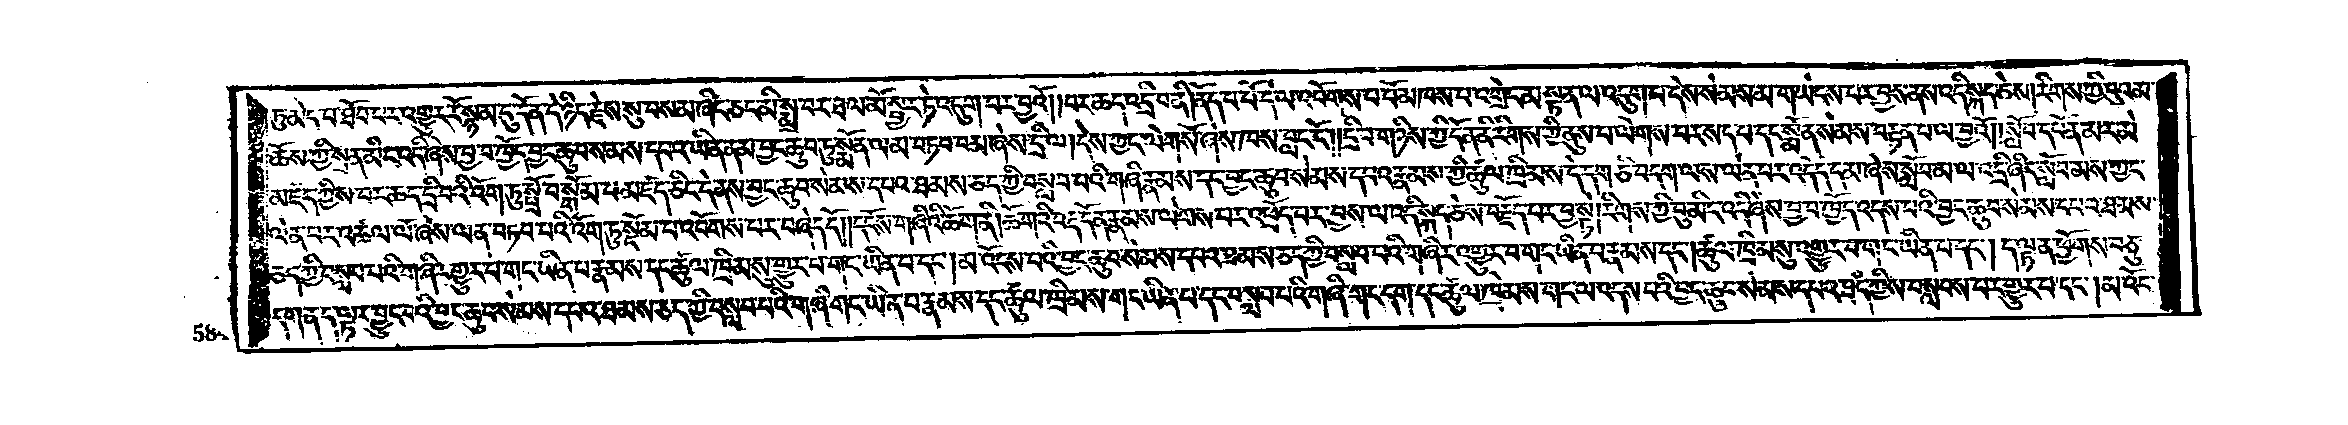ཏུ་མེད་པ་ཐོབ་པར་འགྱུར་རོ་སྙམ་དུ་དོན་དེ་ཉིད་རྗེས་སུ་བསམ་ཞིང་ཅང་མི་སྨྲ་བར་ཐལ་མོ་སྦྱར་ཏེ་འདུག་པར་བྱའོ། །བར་ཆད་འདྲི་བ་ནི། ནོད་པ་པོ་དེ་ལ་འབོགས་པ་པོ་མཁས་པ་འགྲེང་མ་སྟན་ལ་འདུག་པ་དེས་སེམས་མ་གཡེངས་པར་བྱས་ནས་འདི་སྐད་ཅེས། རིགས་ཀྱི་བུའམ་
ཆོས་ཀྱི་སྲན་མིང་འདི་ཞེས་བྱ་བ་ཁྱོད་བྱང་ཆུབ་སེམས་དཔའ་ཡིན་ནམ་བྱང་ཆུབ་ཏུ་སྨོན་ལམ་བཏབ་བམ་ཞེས་དྲི་ལ། དེས་ཀྱང་ལེགས་སོ་ཞེས་ཁས་བླང་ངོ། །དྲི་བ་གཉིས་ཀྱི་དོན་ནི་རིགས་ཀྱི་ནུས་པ་ལེགས་པར་སད་པ་དང་སྨོན་སེམས་བརྟན་པ་ལ་བྱའོ། །སློབ་དཔོན་མར་མེ་
མཛད་ཀྱིས་བར་ཆད་དྲི་བའི་འོག་ཏུ་སྤྲོ་བ་སྒོམ་པ་མཛད་ཅིང་དེ་ནས་བྱང་ཆུབ་སེམས་དཔའ་ཐམས་ཅད་ཀྱི་བསླབ་པའི་གཞི་རྣམས་དང་བྱང་ཆུབ་སེམས་དཔའ་རྣམས་ཀྱི་ཚུལ་ཁྲིམས་དེ་དག་ཅི་བདག་ལས་ལེན་པར་འདོད་དམ་ཞེས་སློབ་མ་ལ་འདྲི་ཞིང་སློབ་མས་ཀྱང་
ལེན་པར་འཚལ་ལོ་ཞེས་ལན་བཏབ་པའི་འོག་ཏུ་སྡོམ་པ་འབོགས་པར་བཞེད་དོ། །དངོས་གཞིའི་ཆོག་ནི། ཆོ་གའི་བརྡ་དོན་རྣམས་ལེགས་པར་འཕྲོད་པར་བྱས་ལ་འདི་སྐད་ཅེས་བརྗོད་པར་བྱ་སྟེ། རིགས་ཀྱི་བུ་མིང་འདི་ཞེས་བྱ་བ་ཁྱོད་འདས་པའི་བྱང་ཆུབ་སེམས་དཔའ་ཐམས་
ཅད་ཀྱི་བསླབ་པའི་གཞིར་གྱུར་པ་གང་ཡིན་པ་རྣམས་དང་ཚུལ་ཁྲིམས་སུ་གྱུར་པ་གང་ཡིན་པ་དང་། མ་འོངས་པའི་བྱང་ཆུབ་སེམས་དཔའ་ཐམས་ཅད་ཀྱི་བསླབ་པའི་གཞིར་འགྱུར་བ་གང་ཡིན་པ་རྣམས་དང་། ཚུལ་ཁྲིམས་སུ་འགྱུར་པ་གང་ཡིན་པ་དང་། ད་ལྟ་ན་ཕྱོགས་བཅུ་
དག་ན་ད་ལྟར་བྱུང་བའི་བྱང་ཆུབ་སེམས་དཔའ་ཐམས་ཅད་ཀྱི་བསླབ་པའི་གཞི་གང་ཡིན་པ་རྣམས་དང་ཚུལ་ཁྲིམས་གང་ཡིན་པ་དང་བསླབ་པའི་གཞི་གང་དག་དང་ཚུལ་ཁྲིམས་གང་ལ་འདས་པའི་བྱང་ཆུབ་སེམས་དཔའ་ཐམས་ཅད་ཀྱིས་བསླབས་པར་གྱུར་པ་དང་། མ་འོང་